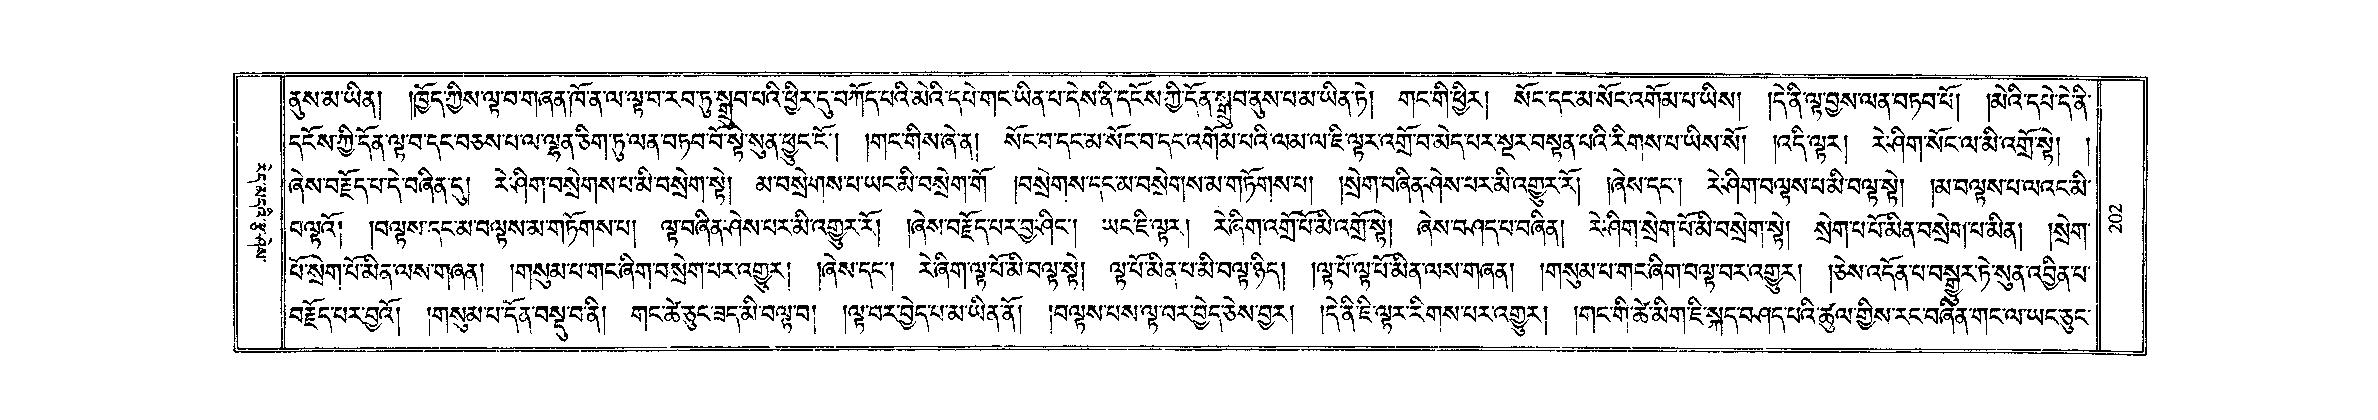ནུས་མ་ཡིན། །ཁྱོད་ཀྱིས་ལྟ་བ་གཞན་ཁོ་ན་ལ་ལྟ་བ་རབ་ཏུ་སྒྲུབ་པའི་ཕྱིར་དུ་བཀོད་པའི་མེའི་དཔེ་གང་ཡིན་པ་དེས་ནི་དངོས་ཀྱི་དོན་སྒྲུབ་ནུས་པ་མ་ཡིན་ཏེ། གང་གི་ཕྱིར། སོང་དང་མ་སོང་འགོམ་པ་ཡིས། །དེ་ནི་ལྟ་བྱས་ལན་བཏབ་པོ། །མེའི་དཔེ་དེ་ནི་
དངོས་ཀྱི་དོན་ལྟ་བ་དང་བཅས་པ་ལ་ལྷན་ཅིག་ཏུ་ལན་བཏབ་བོ་སྟེ་སུན་ཕྱུང་ངོ། །གང་གིས་ཞེ་ན། སོང་བ་དང་མ་སོང་བ་དང་འགོམ་པའི་ལམ་ལ་ཇི་ལྟར་འགྲོ་བ་མེད་པར་སྔར་བསྟན་པའི་རིགས་པ་ཡིས་སོ། །འདི་ལྟར། རེ་ཤིག་སོང་ལ་མི་འགྲོ་སྟེ། །
ཞེས་བརྗོད་པ་དེ་བཞིན་དུ། རེ་ཤིག་བསྲེགས་པ་མི་བསྲེག་སྟེ། མ་བསྲེགས་པ་ཡང་མི་བསྲེག་གོ །བསྲེགས་དང་མ་བསྲེགས་མ་གཏོགས་པ། །སྲེག་བཞིན་ཤེས་པར་མི་འགྱུར་རོ། །ཞེས་དང་། རེ་ཤིག་བལྟས་པ་མི་བལྟ་སྟེ། །མ་བལྟས་པ་ལའང་མི་
བལྟའོ། །བལྟས་དང་མ་བལྟས་མ་གཏོགས་པ། ལྟ་བཞིན་ཤེས་པར་མི་འགྱུར་རོ། །ཞེས་བརྗོད་པར་བྱ་ཤིང་། ཡང་ཇི་ལྟར། རེ་ཞིག་འགྲོ་པོ་མི་འགྲོ་སྟེ། ཞེས་བཤད་པ་བཞིན། རེ་ཤིག་སྲེག་པོ་མི་བསྲེག་སྟེ། སྲེག་པ་པོ་མིན་བསྲེག་པ་མིན། །སྲེག་
པོ་སྲེག་པོ་མིན་ལས་གཞན། །གསུམ་པ་གང་ཞིག་བསྲེག་པར་འགྱུར། །ཞེས་དང་། རེ་ཞིག་ལྟ་པོ་མི་བལྟ་སྟེ། ལྟ་པོ་མིན་པ་མི་བལྟ་ཉིད། །ལྟ་པོ་ལྟ་པོ་མིན་ལས་གཞན། །གསུམ་པ་གང་ཞིག་བལྟ་བར་འགྱུར། །ཅེས་འདོན་པ་བསྒྱུར་ཏེ་སུན་འབྱིན་པ་
བརྗོད་པར་བྱའོ། །གསུམ་པ་དོན་བསྡུ་བ་ནི། གང་ཚེ་ཅུང་ཟད་མི་བལྟ་བ། །ལྟ་བར་བྱེད་པ་མ་ཡིན་ནོ། །བལྟས་པས་ལྟ་བར་བྱེད་ཅེས་བྱར། །དེ་ནི་ཇི་ལྟར་རིགས་པར་འགྱུར། །གང་གི་ཚེ་མིག་ཇི་སྐད་བཤད་པའི་ཚུལ་གྱིས་རང་བཞིན་གང་ལ་ཡང་ཅུང་